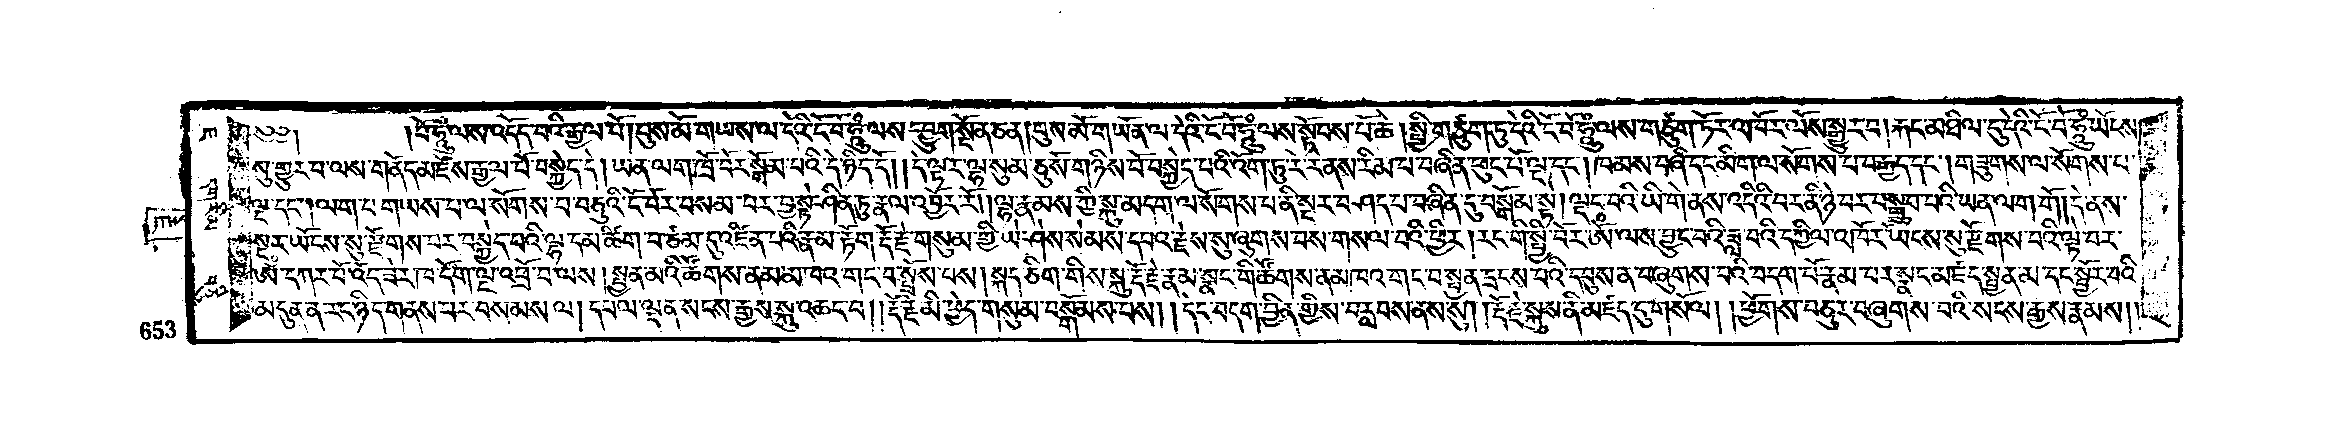༄༅། །བོ་ཧཱུཾ་ལས་འདོད་པའི་རྒྱལ་པོ། པུས་མོ་གཡས་ལ་དེའི་ངོ་བོ་ཧཱུཾ་ལས་དབྱུག་སྔོན་ཅན། པུས་མོ་གཡོན་ལ་དེའི་ངོ་བོ་ཧཱུཾ་ལས་སྟོབས་པོ་ཆེ། སྤྱི་གཙུག་ཏུ་དེའི་ངོ་བོ་ཧཱུཾ་ལས་གཙུག་ཏོར་འཁོར་ལོས་སྒྱུར་བ། རྐང་མཐིལ་དུ་དེའི་ངོ་བོ་ཧཱུཾ་ཡོངས་
སུ་གྱུར་པ་ལས་གནོད་མཛེས་རྒྱལ་པོ་བསྐྱེད་དེ། ཡན་ལག་ཁྲོ་བོར་སྒོམ་པའི་དེ་ཉིད་དོ། །དེ་ལྟར་ལྷ་སུམ་ཅུ་སོ་གཉིས་པོ་བསྐྱེད་པའི་འོག་ཏུ་རེ་རེ་ནས་རིམ་པ་བཞིན་ཕུང་པོ་ལྔ་དང་། ཁམས་བཞི་དང་མིག་ལ་སོགས་པ་བརྒྱད་དང་། གཟུགས་ལ་སོགས་པ་ལྔ་དང་། ལག་པ་གཡས་པ་ལ་སོགས་པ་བཅུའི་ངོ་བོར་བསམ་པར་བྱ་སྟེ་ཤིན་ཏུ་རྣལ་འབྱོར་རོ། །ལྷ་རྣམས་ཀྱི་སྐུ་མདོག་ལ་སོགས་པ་ནི་སྔར་བཤད་པ་བཞིན་དུ་བསྒོམ་ཏེ། ལྡང་བའི་ཡི་གེ་ནས་འདིའི་བར་ནི་ཉེ་བར་བསྒྲུབ་པའི་ཡན་ལག་གོ །དེ་ནས་
སྔར་ཡོངས་སུ་རྫོགས་པར་བསྐྱེད་པའི་ལྷ་དམ་ཚིག་པ་ཙམ་དུ་འཛིན་པའི་རྣམ་རྟོག་རྡོ་རྗེ་གསུམ་གྱི་ཡེ་ཤེས་སེམས་དཔའ་རྗེས་སུ་ཞུགས་པས་གསལ་བའི་ཕྱིར། རང་གི་སྤྱི་བོར་ཨོཾ་ལས་བྱུང་བའི་ཟླ་བའི་དཀྱིལ་འཁོར་ཡོངས་སུ་རྫོགས་པའི་ལྟེ་བར་
ཨོཾ་དཀར་པོ་འོད་ཟེར་ཁ་དོག་ལྔ་འཕྲོ་བ་ལས། སྤན་མའི་ཚོགས་ནམ་མཁའ་གང་བ་སྤྲོས་པས། སྐད་ཅིག་གིས་སྐུ་རྡོ་རྗེ་རྣམ་སྣང་གི་ཚོགས་ནམ་མཁའ་གང་བ་སྤྱན་དྲངས་བའི་དབུས་ན་བཞུགས་པའི་བདག་པོ་རྣམ་པར་སྣང་མཛད་སྤྱན་མ་དང་སྦྱོར་བའི་
མདུན་ན་རང་ཉིད་གནས་པར་བསམས་ལ། དཔལ་ལྡན་སངས་རྒྱས་སྐུ་འཆང་བ། །རྡོ་རྗེ་མི་ཕྱེད་གསུམ་བསྒོམས་པས། །དེང་བདག་བྱིན་གྱིས་བརླབས་ནས་སུ། །རྡོ་རྗེ་སྐུས་ནི་མཛད་དུ་གསོལ། །ཕྱོགས་བཅུར་བཞུགས་པའི་སངས་རྒྱས་རྣམས།།